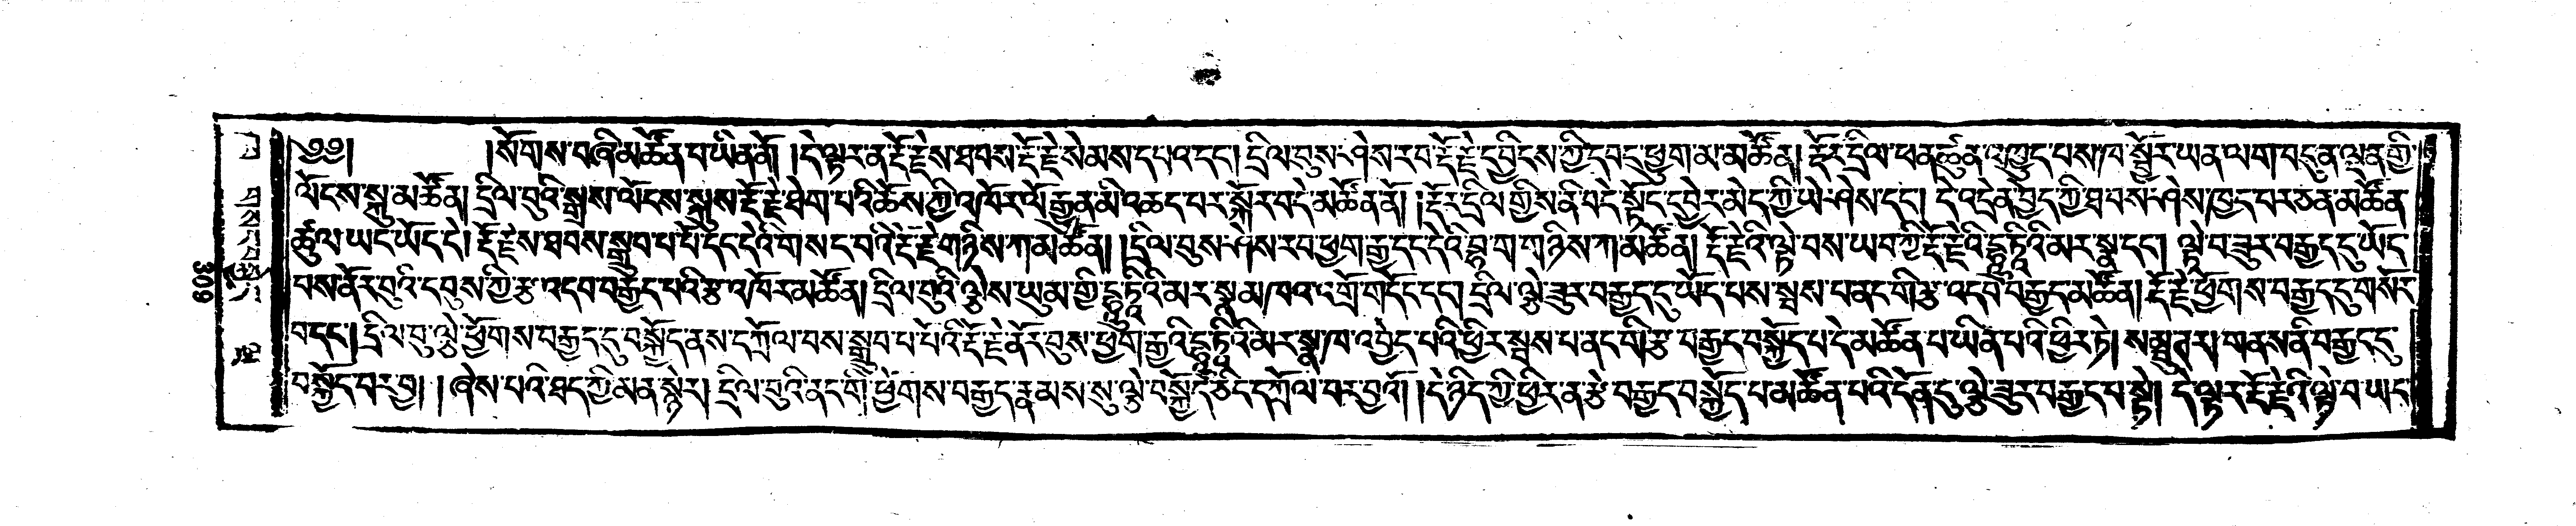༄༅། །སོགས་བཞི་མཚོན་པ་ཡིན་ནོ། །དེ་ལྟར་ན་རྡོ་རྗེས་ཐབས་རྡོ་རྗེ་སེམས་དཔའ་དང་། དྲིལ་བུས་ཤེས་རབ་རྡོ་རྗེ་དབྱིངས་ཀྱི་དབང་ཕྱུག་མ་མཚོན། རྡོར་དྲིལ་ཕན་ཚུན་འཁྱུད་པས་ཁ་སྦྱོར་ཡན་ལག་བདུན་ལྡན་གྱི་
ལོངས་སྐུ་མཚོན། དྲིལ་བུའི་སྒྲས་ལོངས་སྐུས་རྡོ་རྗེ་ཐེག་པའི་ཆོས་ཀྱི་འཁོར་ལོ་རྒྱུན་མི་འཆད་པར་སྐོར་བདེ་མཚོན་ནོ། །རྡོར་དྲིལ་གྱིས་ནི་བདེ་སྟོང་དབྱེར་མེད་ཀྱི་ཡེ་ཤེས་དང་། དེ་འདྲེན་བྱེད་ཀྱི་ཐབས་ཤེས་ཁྱད་པར་ཅན་མཚོན་
ཚུལ་ཡང་ཡོད་དེ། རྡོ་རྗེས་ཐབས་སྒྲུབ་པ་པོ་དང་དེའི་གསང་བའི་རྡོ་རྗེ་གཉིས་ཀ་མཚོན། །དྲིལ་བུས་ཤེས་རབ་ཕྱག་རྒྱ་དང་དེའི་བྷ་ག་གཉིས་ཀ་མཚོན། རྡོ་རྗེའི་ལྟེ་བས་ཡབ་ཀྱི་རྡོ་རྗེའི་དྷཱུ་ཏཱིའི་མར་སྣ་དང་། ལྟེ་བ་ཟུར་བརྒྱད་དུ་ཡོད་
པས་ནོར་བུའི་དབུས་ཀྱི་རྩ་འདབ་བརྒྱད་པའི་རྩ་འཁོར་མཚོན། དྲིལ་བུའི་ལྕེས་ཡུམ་གྱི་དྷཱུ་ཏཱིའི་མར་སྣ་མཁའ་འགྲོ་གདོང་དང་། དྲིལ་ལྕེ་ཟུར་བརྒྱད་དུ་ཡོད་པས་སྦས་པ་ནང་གི་རྩ་འདབ་བརྒྱད་མཚོན། རྡོ་རྗེ་ཕྱོགས་བརྒྱད་དུ་གསོར་
བ་དང་། དྲིལ་བུ་ལྕེ་ཕྱོགས་བརྒྱད་དུ་བསྐྱོད་ནས་དཀྲོལ་བས་སྒྲུབ་པ་པོའི་རྡོ་རྗེ་ནོར་བུས་ཕྱག་རྒྱའི་དྷཱུ་ཏཱིའི་མར་སྣ་ཁ་འབྱེད་པའི་ཕྱིར་སྦས་པ་ནང་གི་རྩ་བརྒྱད་བསྐྱོད་པ་དེ་མཚོན་པ་ཡིན་པའི་ཕྱིར་ཏེ། སམྦུ་ཊར། གནས་ནི་བརྒྱད་དུ་
བསྐྱོད་པར་བྱ། །ཞེས་པའི་ཐད་ཀྱི་མན་སྙེར། དྲིལ་བུའི་ནང་གི་ཕྱོགས་བརྒྱད་རྣམས་སུ་ལྕེ་བསྐྱོད་ཅིང་དཀྲོལ་བར་བྱའོ། །དེ་ཉིད་ཀྱི་ཕྱིར་ན་རྩེ་བརྒྱད་བསྐྱོད་པ་མཚོན་པའི་དོན་དུ་ལྕེ་ཟུར་བརྒྱད་པ་སྟེ། དེ་ལྟར་རྡོ་རྗེའི་ལྟེ་བ་ཡང་